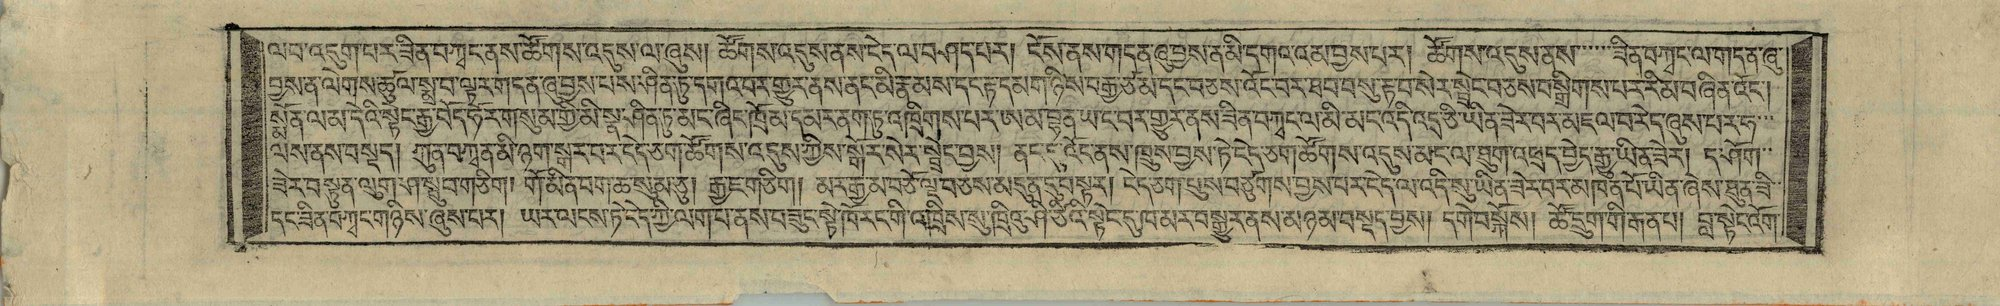ལབ་འདུག་པར་ཟིན་བཀྭང་ནས་ཚོགས་འདུས་ལ་ཞུས། ཚོགས་འདུས་ནས་ངེད་ལ་བཤད་པར། ངོས་ནས་གདན་ཞུ་བྱས་ན་མི་དགའ་འམ་བྱས་པར། ཚོགས་འདུས་ནས་ཟིན་བཀྭང་ལ་གདན་ཞུ་
བྱས་ན་ལེགས་ཚུལ་སྨྲ་བ་ལྟར་གདན་ཞུ་བྱས་པས་ཤིན་ཏུ་དགའ་བར་གྱུར་ནས་ནང་མི་རྣམས་དང་རྟ་དམག་ཉིས་བརྒྱ་ཙམ་དང་བཅས་འོང་བར་ཐབ་བསུ་རྟ་བ་སེར་སྦྲེང་བཅས་བསྒྲིགས་པར་རིམ་བཞིན་འོང་།
སྨོན་ལམ་དེའི་སྟེང་རྒྱ་བོད་ཧོར་གསུམ་གྱི་མི་སྣ་ཤིན་ཏུ་མང་ཞིང་ཁྲོམ་དམར་ནག་ཏུ་འཁྲིགས་པར་ཨམ་བྷན་ཡང་བར་གྱུར་ནས་ཟིན་བཀྭང་ལ་མི་མང་འདི་འདྲ་ཅི་ཡིན་ཟེར་བར་མཇལ་བ་རེད་ཞུས་པར་ཧ་
ལས་ནས་བསྡད། ཀུན་བཀྭན་མི་ཉག་སྒར་བར་ངེད་ཅག་ཚོགས་འདུས་ཀྱིས་སྒོར་སེར་སྦྲེང་བྱས། ནང་དུ་འོང་ནས་ཁྲུས་བྱས་ཏེ་ངེད་ཅག་ཚོགས་འདུས་མང་ལ་ཐུག་འཕྲད་བྱེད་རྒྱུ་ཡིན་ཟེར། ད་ཤོག་
ཟེར་བསྟུན་ལུག་ཤ་སྦུབ་གཅིག །གོ་མིན་བག་ཆ་སུམ་ཅུ། རྒྱ་ཇ་གཅིག །མར་རྒྱ་མ་བཅོ་ལྔ་བཅས་མདུན་དུ་བསྟར། ངེད་ཅག་པུས་བཙུགས་བྱས་པར་ངེད་ལ་འདི་སུ་ཡིན་ཟེར་བར་མཁན་པོ་ཡིན་ཞེས་ཐུན་ཟི་
དང་ཟིན་བཀྭང་གཉིས་ཞུས་བར། ཡར་ལངས་ཏེ་ངེད་ཀྱི་ལག་པ་ནས་བཟུང་སྟེ་ཁོ་རང་གི་འཁྲིས་སུ་ཁྲིའུ་ཤི་ཙིའི་སྟེང་དུ་ཁ་མར་བསྒྱུར་ནས་མཉམ་བསྡད་བྱས། དགེ་བསྐོས། ཚོ་དྲུག་གི་རྒན་པ། བླ་སྟེང་འོག་